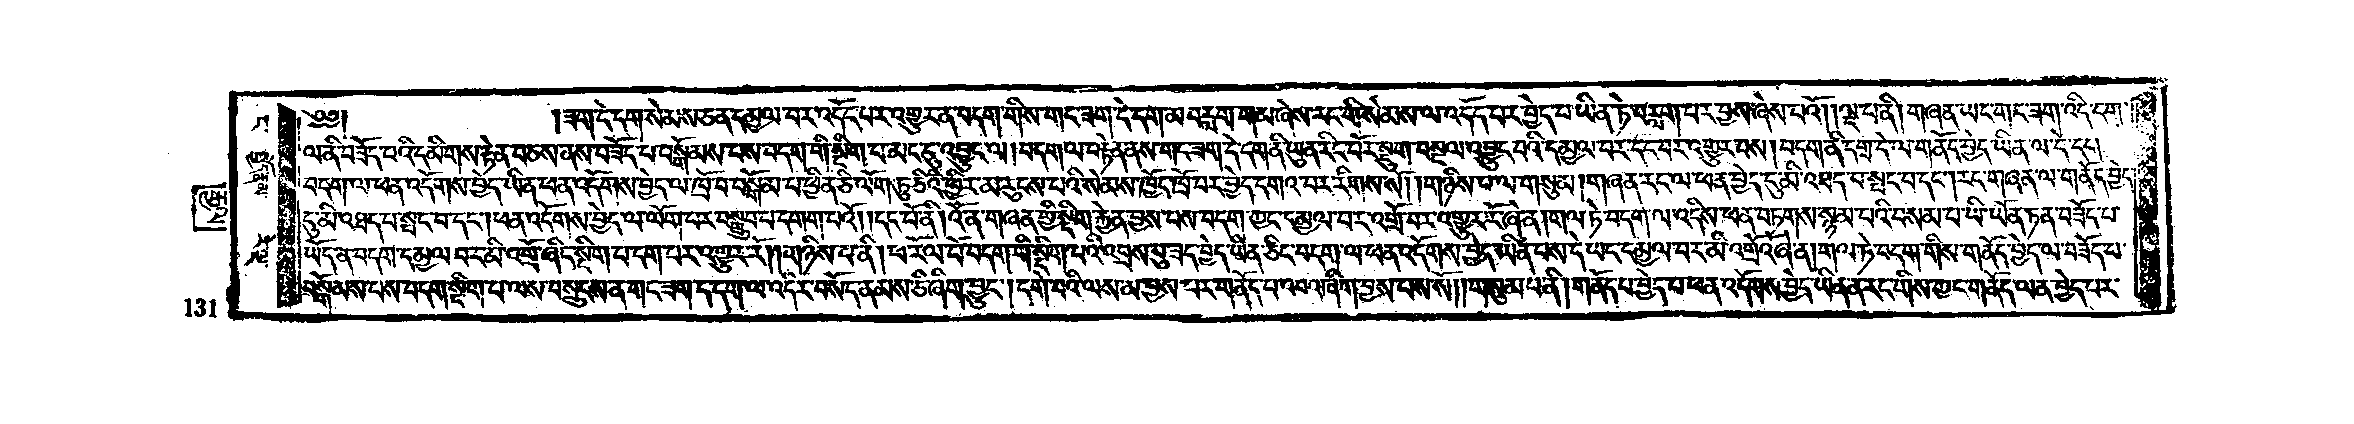༄༅། །ཟག་དེ་དག་སེམས་ཅན་དམྱལ་བར་འདོད་པར་འགྱུར་ན་བདག་གིས་གང་ཟག་དེ་དག་མ་བརླག་གམ་ཞེས་རང་གི་སེམས་ལ་འདོད་པར་བྱེད་པ་ཡིན་ཏེ་བརླག་པར་བྱས་ཞེས་པའོ། །ལྔ་པ་ནི། གཞན་ཡང་གང་ཟག་འདི་དག་
ལ་ནི་བཟོད་པའི་དམིགས་རྟེན་བཅས་ནས་བཟོད་པ་བསྒོམས་པས་བདག་གི་སྡིག་པ་མང་དུ་འབྱུང་ལ། །བདག་ལ་བརྟེན་ནས་གང་ཟག་དེ་དག་ནི་ཡུན་རིང་པོར་སྡུག་བསྔལ་འབྱུང་བའི་དམྱལ་བར་དང་བར་འགྱུར་བས། བདག་ནི་དགྲ་དེ་ལ་གནོད་བྱེད་ཡིན་ལ་དེ་དང་།
བདག་ལ་ཕན་འདོགས་བྱེད་ཡིན་ཕན་འདོགས་བྱེད་ལ་ཁྲོ་བ་བསྒོམ་པ་ཕྱིན་ཅི་ལོག་ཏུ་ཅིའི་ཕྱིར་མ་རུངས་པའི་སེམས་ཁྱོད་ཁྲོ་བར་བྱེད་དགའ་བར་རིགས་སོ། །གཉིས་པ་ལ་གསུམ། གཞན་རང་ལ་ཕན་བྱེད་དུ་མི་འཐད་པ་སྤང་བ་དང་། རང་གཞན་ལ་གནོད་བྱེད་
དུ་མི་འཐད་པ་སྤང་བ་དང་། ཕན་འདོགས་བྱེད་ལ་ལོག་པར་བསྒྲུབ་པ་དགག་པའོ། །འོ་ན་གཞན་གྱི་སྡིག་རྐྱེན་བྱས་པས་བདག་ཀྱང་དམྱལ་བར་འགྲོ་བར་འགྱུར་རོ་ཞེ་ན། གལ་ཏེ་བདག་ལ་འདིས་ཕན་བཏགས་སྙམ་པའི་བསམ་པ་ཡི་ཡོན་ཏན་བཟོད་པ་
ཡོད་ན་བདག་དམྱལ་བར་མི་འགྲོ་ཞིང་སྡིག་པ་དག་པར་འགྱུར་རོ། །གཉིས་པ་ནི། ཕ་རོལ་པོ་བདག་གི་སྡིག་པའི་འབྲས་བུ་ཟད་བྱེད་ཡིན་ཅིང་བདག་ལ་ཕན་འདོགས་བྱེད་ཡིན་པས་དེ་ཡང་དམྱལ་བར་མི་འགྲོའོ་ཞེ་ན། གལ་ཏེ་བདག་གིས་གནོད་བྱེད་ལ་བཟོད་པ་
བསྒོམས་པས་བདག་སྡིག་པ་ལས་བསྲུངས་ནས་གང་ཟག་དེ་དག་ལ་འདིར་བསོད་ནམས་ཅི་ཞིག་བྱུང་། དགེ་བའི་ལས་མ་བྱས་པར་གནོད་པ་འབའ་ཞིག་བྱས་པས་སོ། །གསུམ་པ་ནི། གནོད་པ་བྱེད་པ་ཕན་འདོགས་བྱེད་ཡིན་ན་རང་གིས་ཀྱང་གནོད་ལན་བྱེད་པར་